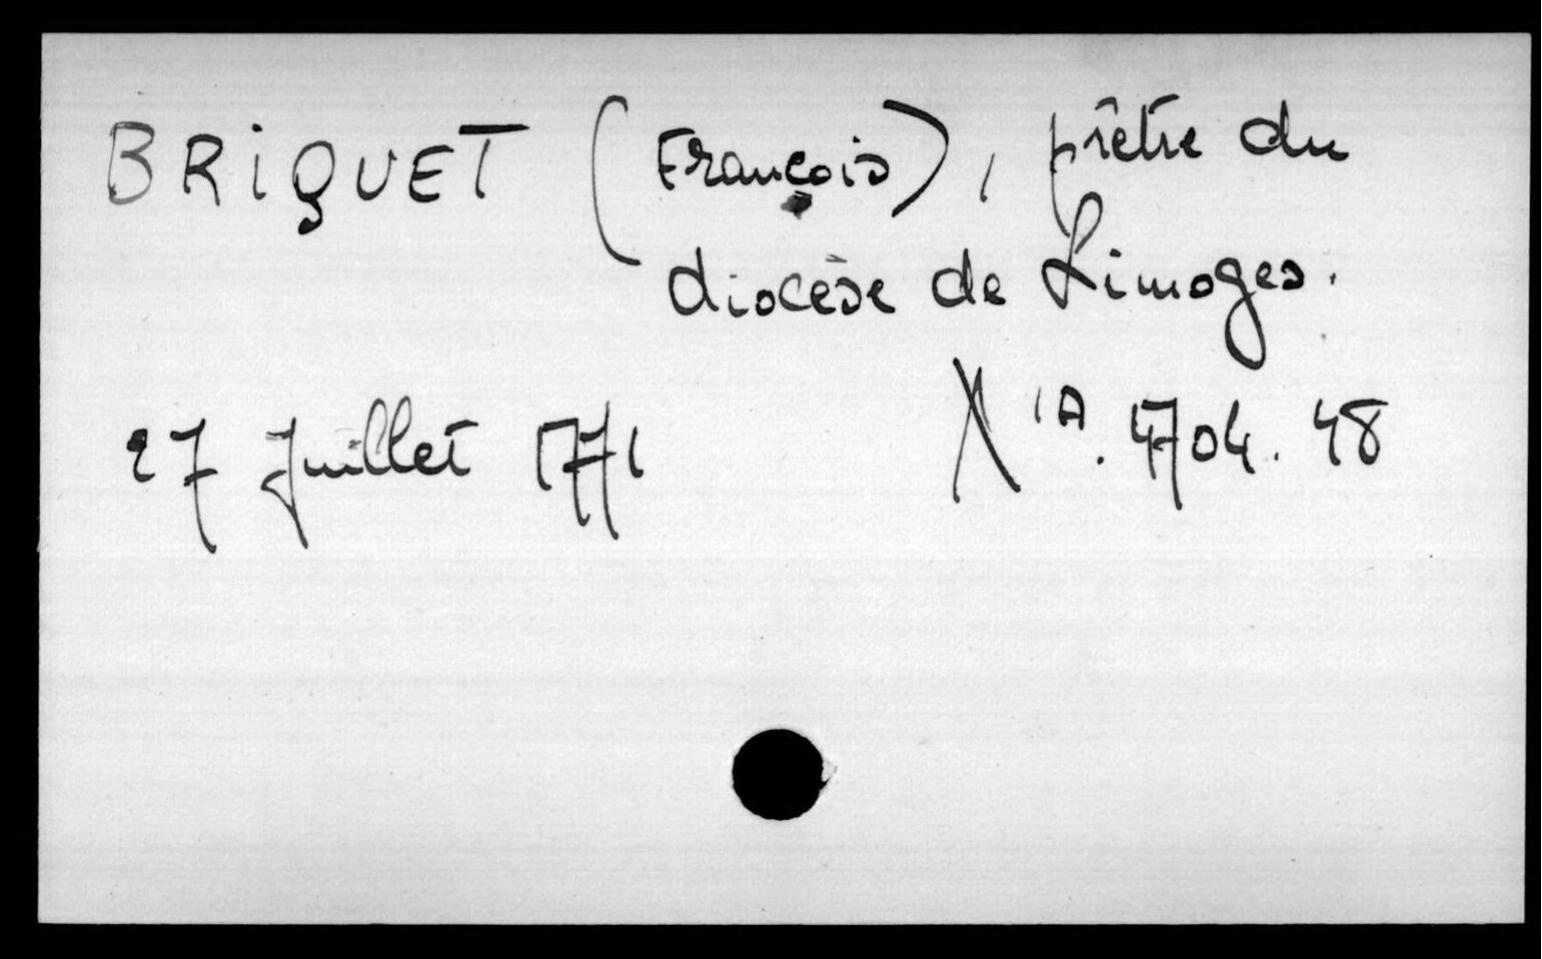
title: BRIQUET (François) prêtre du diocèse de Limoges.
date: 27 juillet 1771
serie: X1A
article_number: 4704
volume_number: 48
